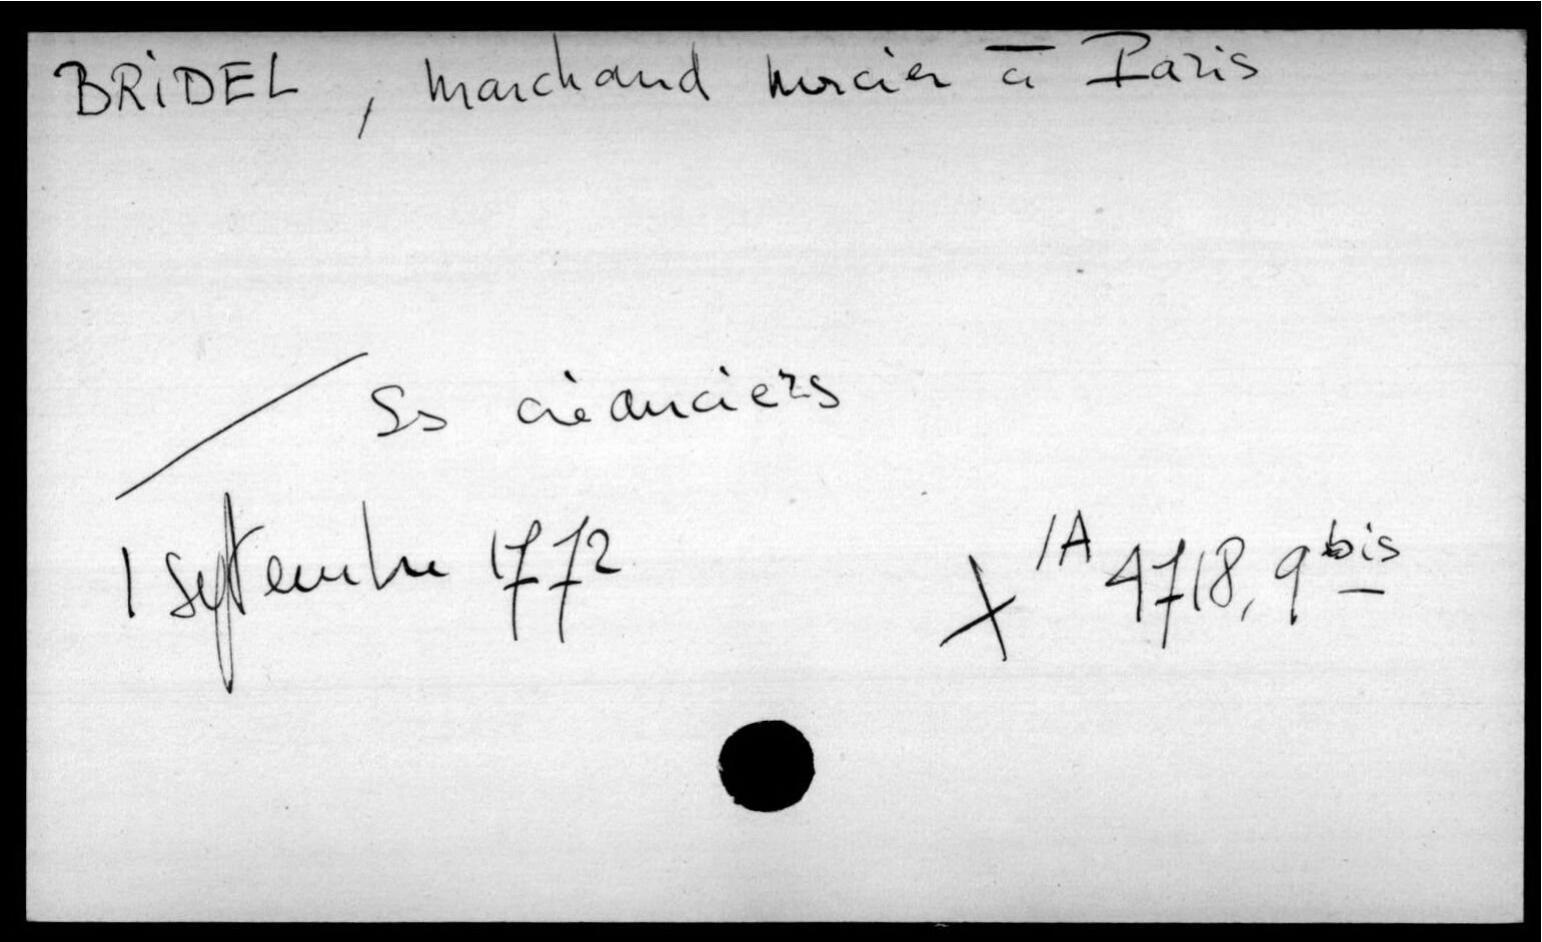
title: BRIDEL (Marchand mercier à Paris
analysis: Contre Ses créanciers
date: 1 septembre 1772
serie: X1A
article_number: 4718
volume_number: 9bis
